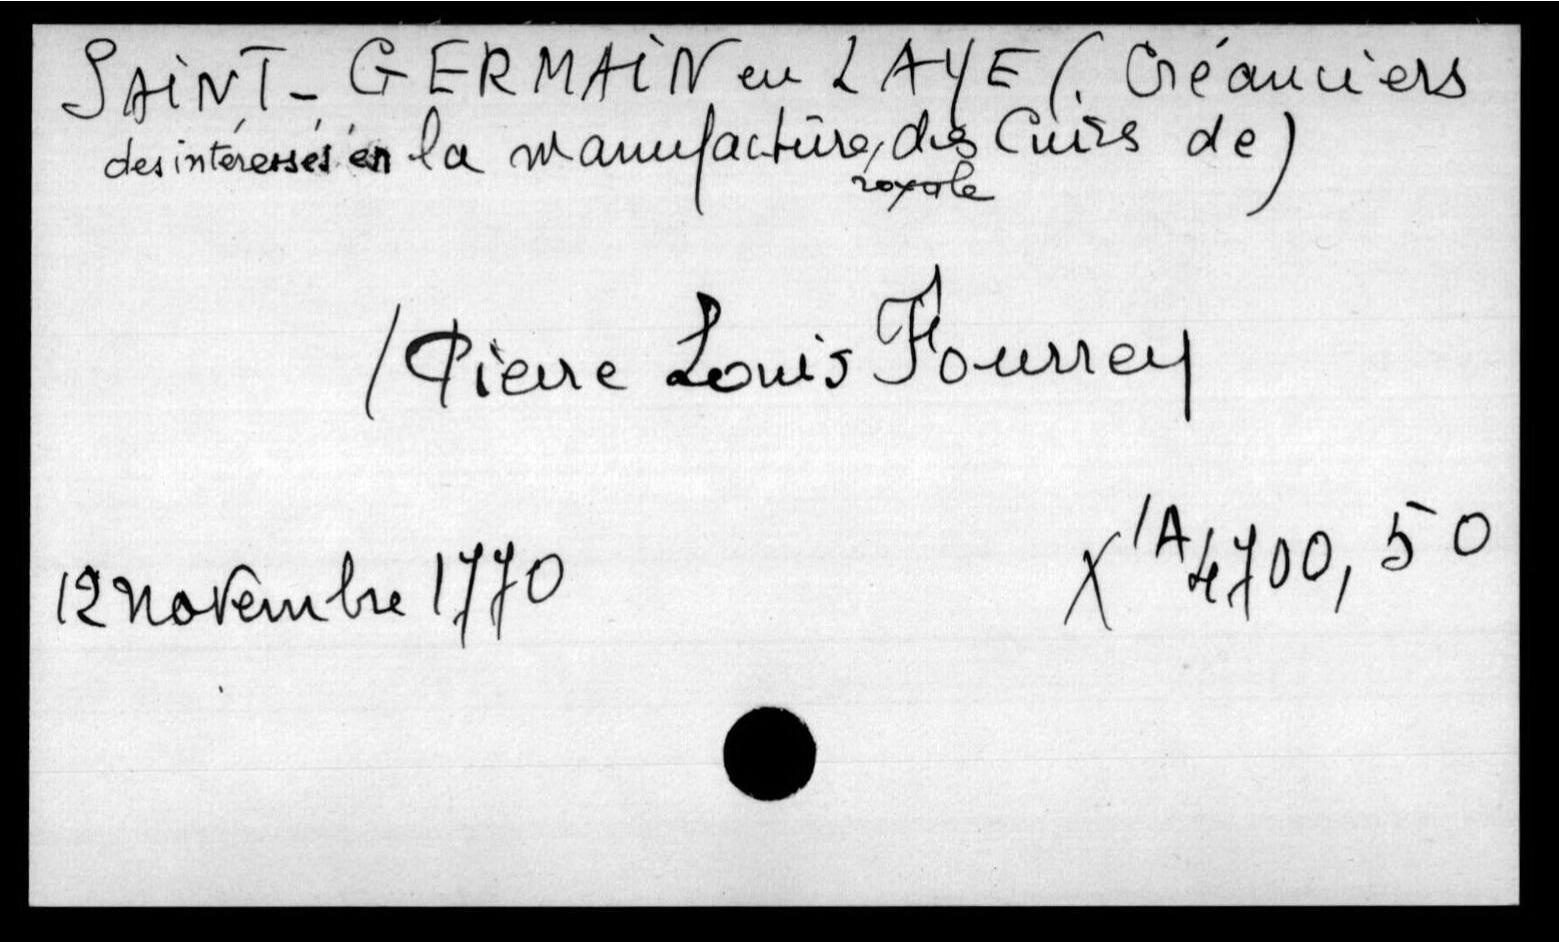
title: SAINT-GERMAIN en LAYE (Créanciers des Intéressés en la manufacture royale des Cuirs de)
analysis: Contre Pierre Louis Fourrey
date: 12 novembre 1770
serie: X1A
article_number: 4700
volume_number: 50
